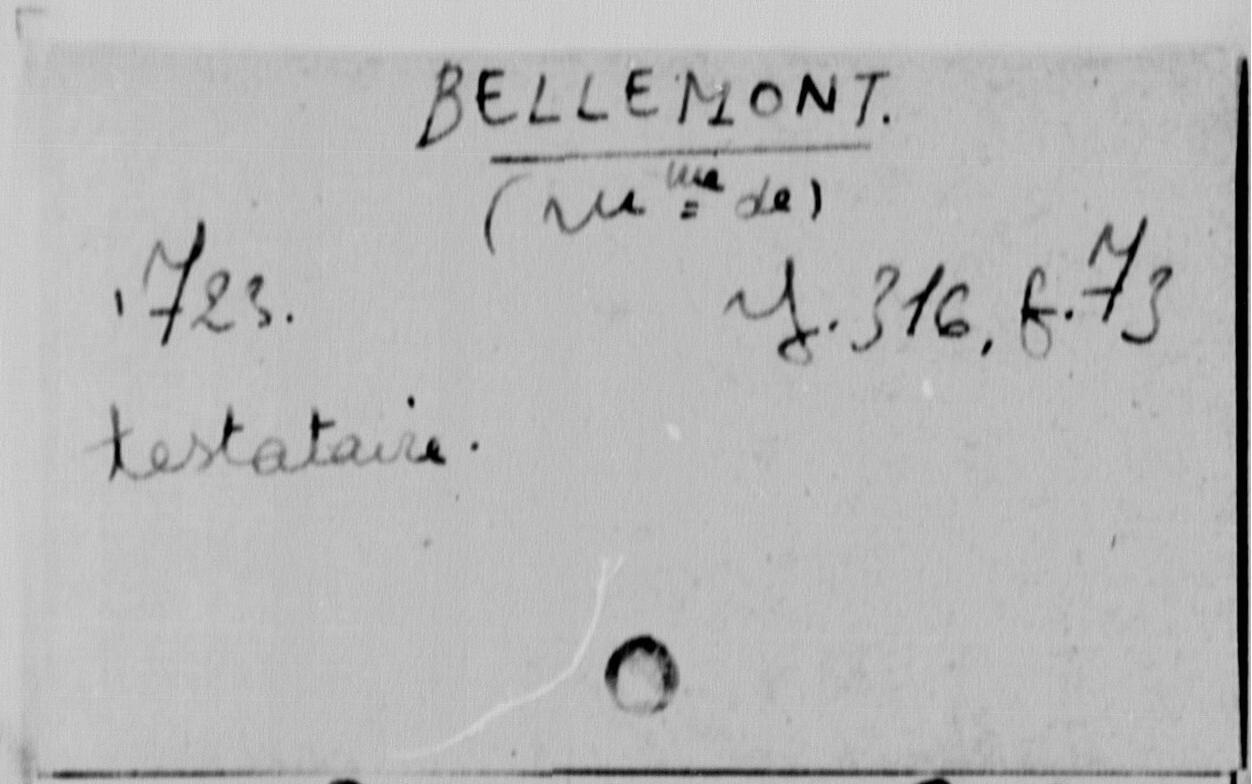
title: BELLEMONT (Marquise de)
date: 1723
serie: Y
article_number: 316
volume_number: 73
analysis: testataire.
